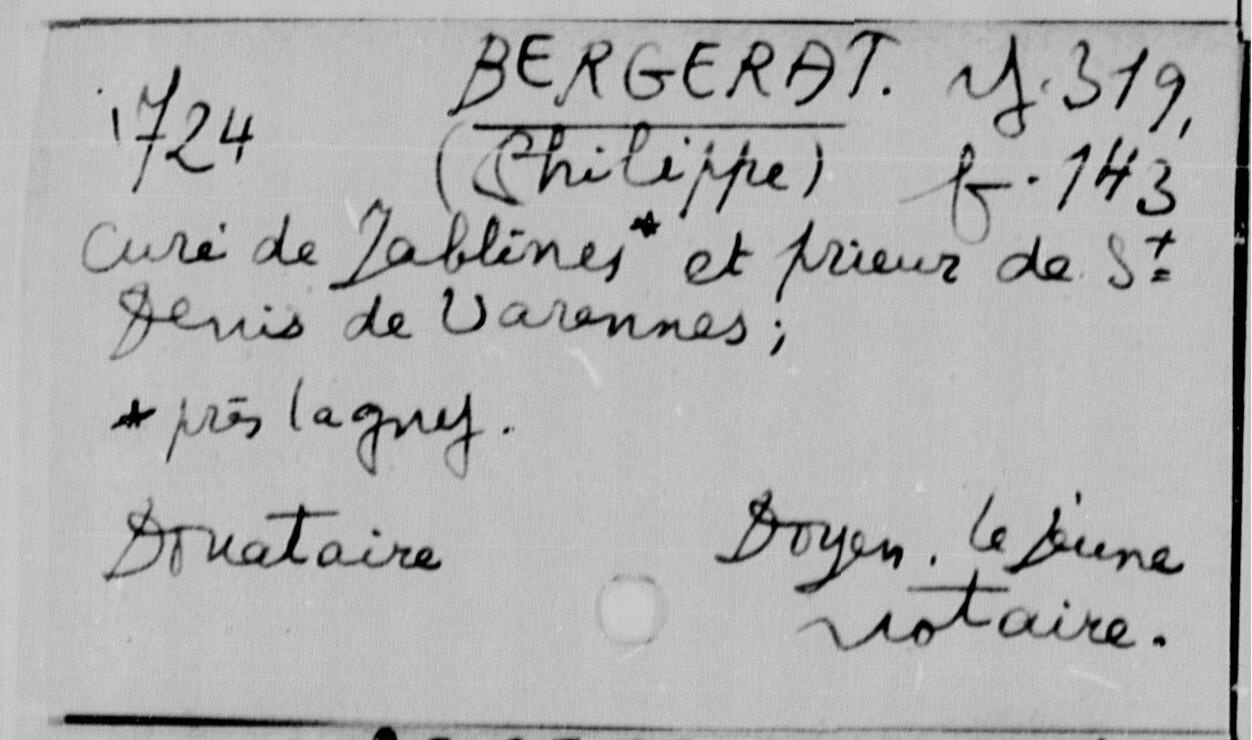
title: BERGERAT (Philippe)
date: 1724
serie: Y
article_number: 319
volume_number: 143
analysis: curé de Jablines et prieur de Saint Denis de Varennes ; près Lagny. Donataire Doyen, le jeune, notaire
